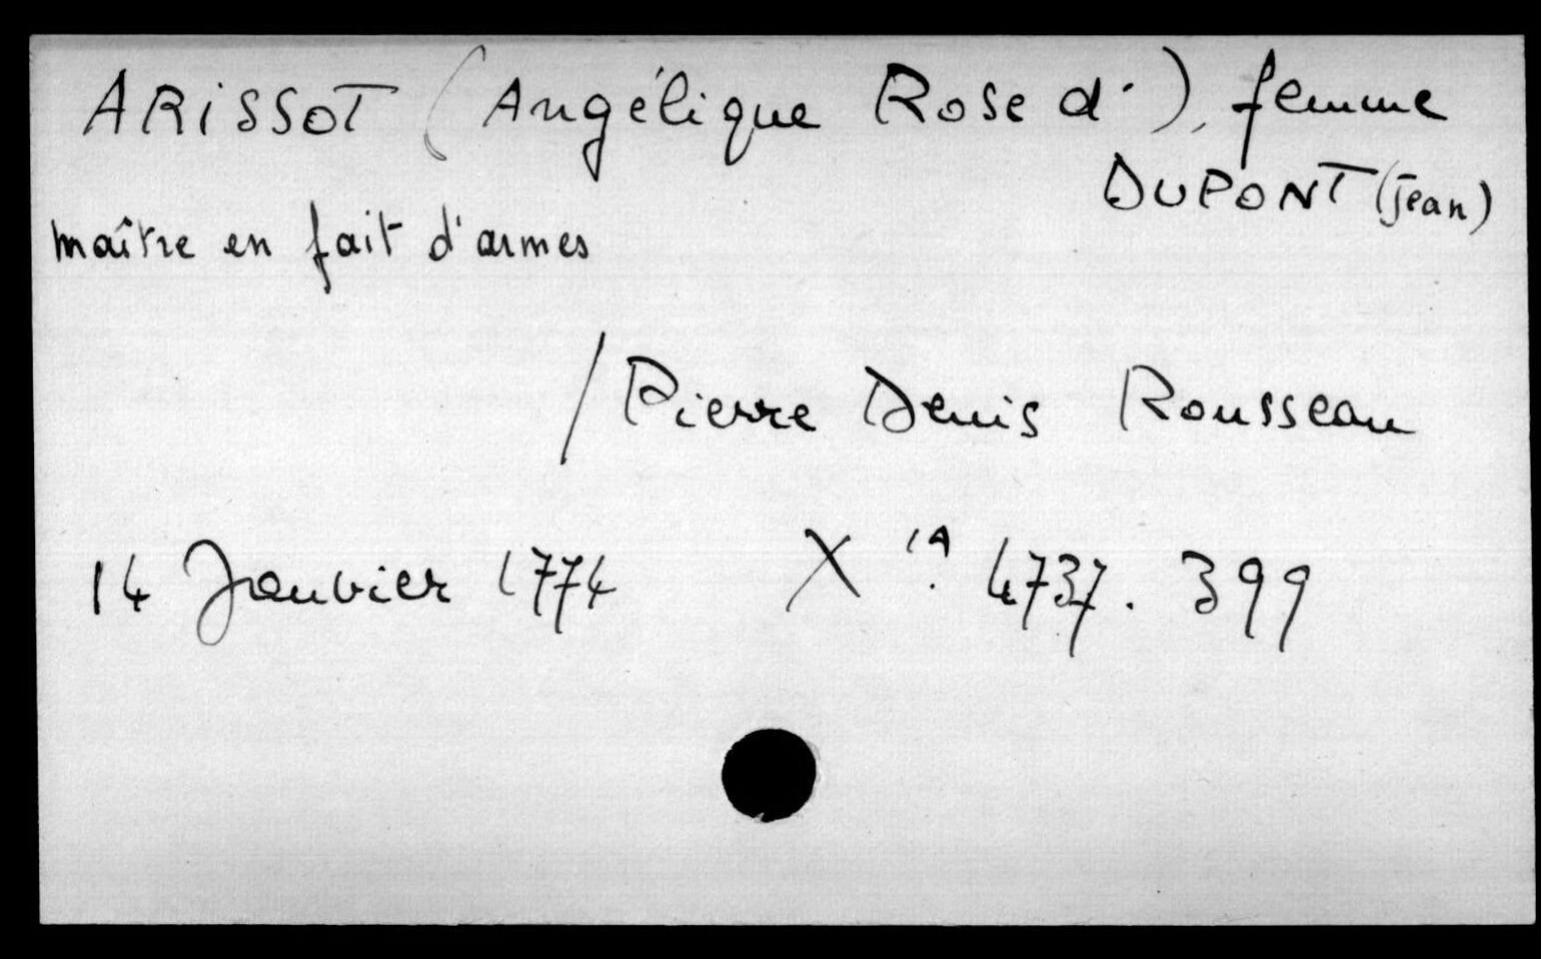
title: ARISSOT (Angélique Rose d'), femme DUPONT (Jean) maître en fait d'armes
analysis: Contre Pierre Denis Rousseau
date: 14 janvier 1774
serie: X1A
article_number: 4737
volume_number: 399
